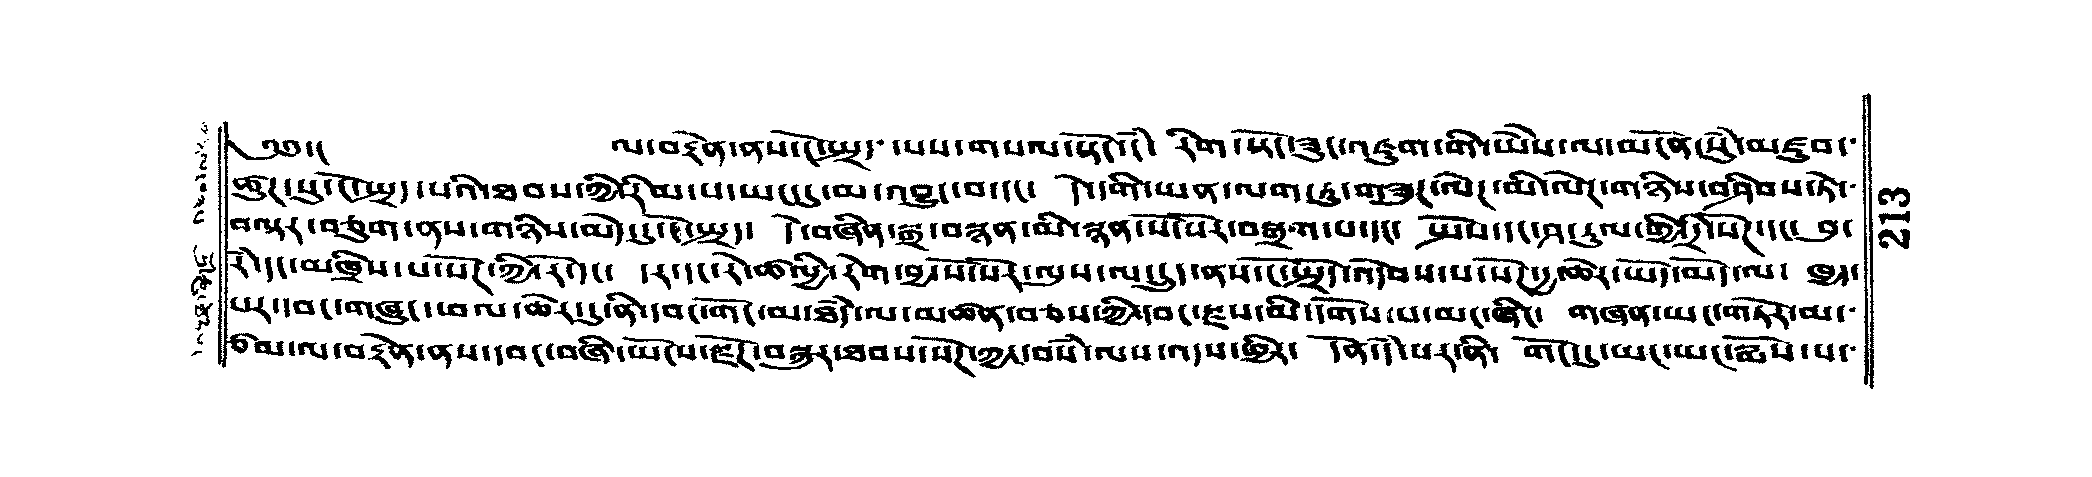ལ་བརྟེན་ནས་ངོ་སྤྲད་པས་གསལ་སྟོང་ངམ། རིག་སྟོང་ཟུང་འཇུག་གི་ཡེ་ཤེས་ལ་མངོན་སུམ་མཛུབ་
ཚུགས་སུ་ངོ་སྤྲད་པའི་ཐབས་ཀྱི་རིམ་པ་ཡང་དུ་མ་འབྱུང་བ་དང་། དེ་དག་གི་ཡན་ལག་ཏུ་གཟུགས་ལེགས་མི་ལེགས་གཉིས་བཤིབས་ཏེ་
བལྟར་བཅུག་ནས་གཉིས་མེད་དུ་ངོ་སྤྲད། དེ་བཞིན་སྒྲ་སྙན་མི་སྙན་སོ་སོར་བསྒྲག་པ་དང་། སྤོས་དང་ཤ་རུལ་གྱི་དྲི་སོགས་དང་། བུ་
རམ་དང་མཁྲིས་པ་སོགས་ཀྱི་རོ་དང་། དར་དང་རེ་ཚལ་གྱི་རེག་བྱ་སོ་སོར་ལུས་ལ་དྲུད་ནས་ངོ་སྤྲོད་འདེབས་པ་སོགས་རྒྱ་ཆེར་ཡོད་མོད་ལ། ཁྱད་
པར་དབང་གཞུང་ཕལ་ཆེར་དུ་ནི་དབང་གོང་མ་ཐམས་ཅད་ལ་མཚན་བཅས་ཀྱི་དབང་རྫས་མི་དགོས་པ་མང་ཞིང་། གཞན་ཡང་གཏོར་མ་
ཙམ་ལ་བརྟེན་ནས་དབང་བཞི་ཡོངས་རྫོགས་བསྐུར་ཐབས་སོགས་ཀྱང་བསམ་ལས་འདས་ཕྱིར། དོན་དམ་པར་ནི། གོང་དུ་ཡང་ཡང་སྨོས་པ་